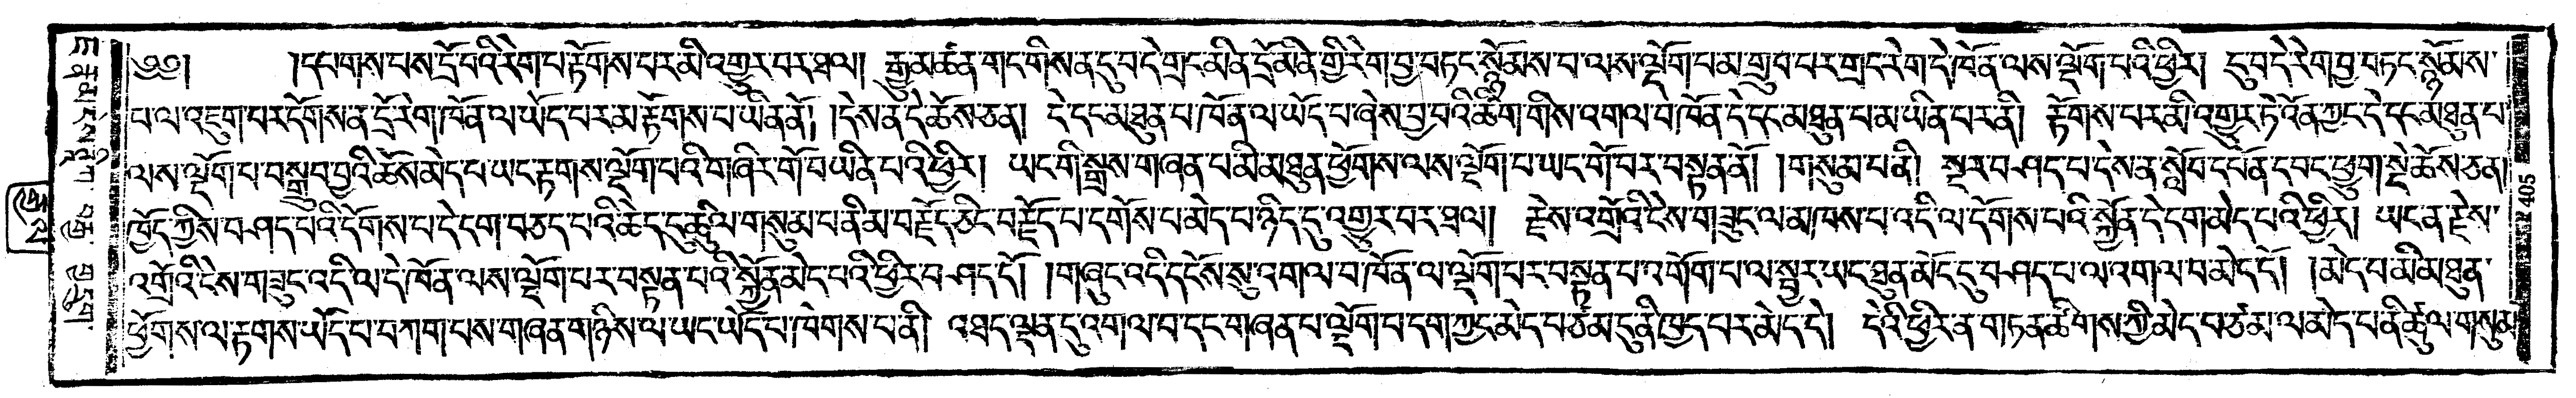༄༅། །དཔགས་པས་དྲོ་བའི་རེག་པ་རྟོགས་པར་མི་འགྱུར་བར་ཐལ། རྒྱུ་མཚན་གང་གིས་ན་དུ་བ་དེ་གྲང་མིན་གྱི་རེག་བྱ་བཏང་སྙོམས་པ་ལས་ལྡོག་པ་མ་གྲུབ་པར་གྲང་རེག་དེ་ཁོ་ན་ལས་ལྡོག་པའི་ཕྱིར། དུ་བ་དེ་རེག་བྱ་བཏང་སྙོམས་
པ་ལ་འཇུག་པར་དོགས་ན་དྲོ་རེག་ཁོ་ན་ལ་ཡོད་པར་མ་རྟོགས་པ་ཡིན་ནོ། །དེས་ན་དེ་ཆོས་ཅན། དེ་དང་མཐུན་པ་ཁོ་ན་ལ་ཡོད་པ་ཞེས་བྱ་བའི་ཚིག་གིས་འགལ་བ་ཁོ་ན་དེ་དང་མཐུན་པ་མ་ཡིན་པར་ནི། རྟོགས་པར་མི་འགྱུར་ཏེ་འོན་ཀྱང་དེ་དང་མཐུན་པ་
ལས་ལྡོག་པ་བསྒྲུབ་བྱའི་ཆོས་མེད་པ་ཡང་རྟགས་ལྡོག་པའི་གཞིར་གོ་བ་ཡིན་པའི་ཕྱིར། ཡང་གི་སྒྲས་གཞན་པ་མི་མཐུན་ཕྱོགས་ལས་ལྡོག་པ་ཡང་གོ་བར་བསྟན་ནོ། །གསུམ་པ་ནི། སྔར་བཤད་པ་དེས་ན་སློབ་དཔོན་དབང་ཕྱུག་སྡེ་ཆོས་ཅན།
ཁྱོད་ཀྱིས་བཤད་པའི་དོགས་པ་དེ་དག་བཅད་པའི་ཆེད་དུ་ཚུལ་གསུམ་པ་ནི་མ་བརྗོད་ཅིང་བརྗོད་པ་དགོས་པ་མེད་པ་ཉིད་དུ་འགྱུར་བར་ཐལ། རྗེས་འགྲོའི་ངེས་གཟུང་ལ་མཁས་པ་འདི་ལ་དོགས་པའི་སྐྱོན་དེ་དག་མེད་པའི་ཕྱིར། ཡང་ན་རྗེས་
འགྲོའི་ངེས་གཟུང་འདི་ལ་དེ་ཁོ་ན་ལས་ལྡོག་པར་བསྟན་པའི་སྐྱོན་མེད་པའི་ཕྱིར་བཤད་དོ། །གཞུང་འདི་དངོས་སུ་འགལ་བ་ཁོ་ན་ལ་ལྡོག་པར་བསྟན་པ་འགོག་པ་ལ་སྦྱར་ཡང་ཐུན་མོང་དུ་བཤད་པ་ལ་འགལ་བ་མེད་དོ། །མེད་པ་མི་མཐུན་
ཕྱོགས་ལ་རྟགས་ཡོད་པ་བཀག་པས་གཞན་གཉིས་ལ་ཡང་ཡོད་པ་ཁེགས་པ་ནི། འཐད་ལྡན་དུ་འགལ་བ་དང་གཞན་པ་ལྡོག་པ་དག་ཀྱང་མེད་པ་ཙམ་དུ་ནི་ཁྱད་པར་མེད་དེ། དེའི་ཕྱིར་ན་གཏན་ཚིགས་ཀྱི་མེད་པ་ཙམ་ལ་མེད་པ་ནི་ཚུལ་གསུམ་